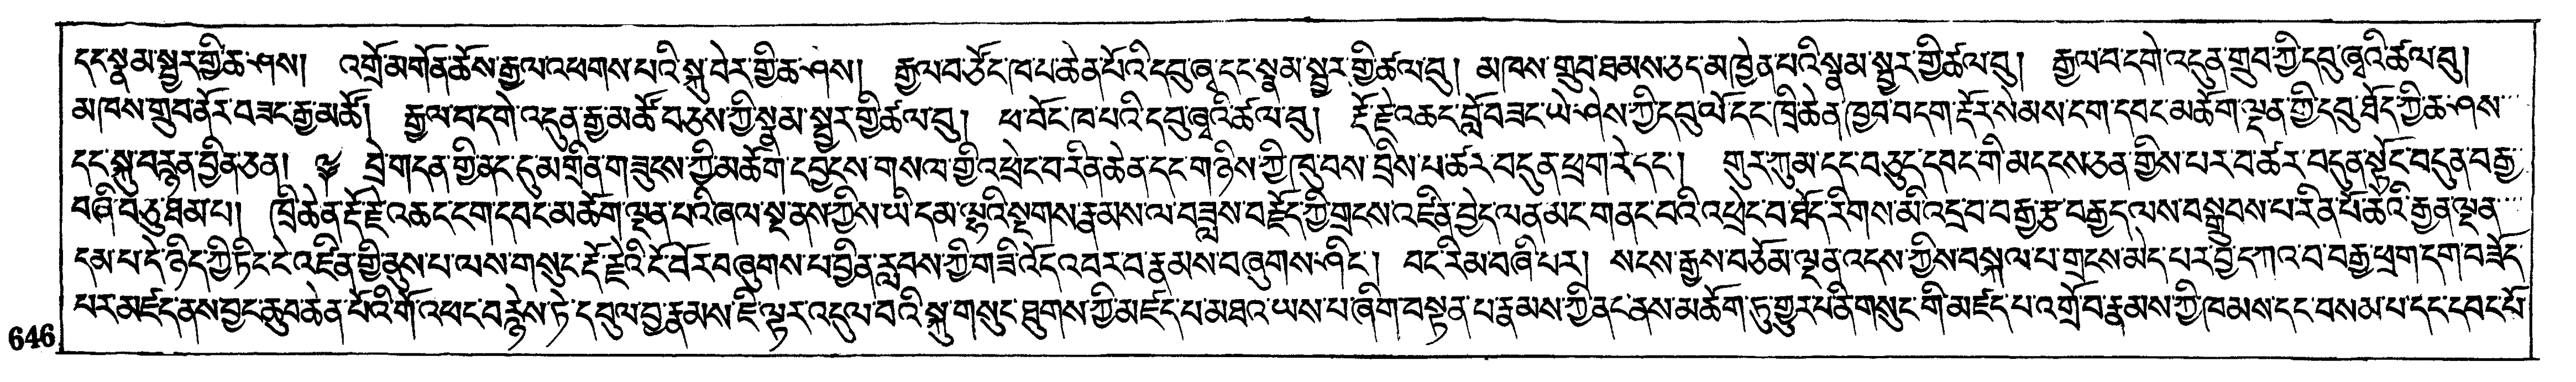དང་སྣམ་སྦྱར་གྱི་ཆ་ཤས། འགྲོ་མགོན་ཆོས་རྒྱལ་འཕགས་པའི་སྐུ་བེར་གྱི་ཆ་ཤས། རྒྱལ་བ་ཙོང་ཁ་པ་ཆེན་པོའི་དབུ་ཞ་དང་སྣམ་སྦྱར་གྱི་ཚལ་བུ། མཁས་གྲུབ་ཐམས་ཅད་མཁྱེན་པའི་སྣམ་སྦྱར་གྱི་ཚལ་བུ། རྒྱལ་བ་དགེ་འདུན་གྲུབ་ཀྱི་དབུ་ཞྭའི་ཚལ་བུ།
མཁས་གྲུབ་ནོར་བཟང་རྒྱ་མཚོ། རྒྱལ་བ་དགེ་འདུན་རྒྱ་མཚོ་བཅས་ཀྱི་སྣམ་སྦྱར་གྱི་ཚལ་བུ། ཕ་བོང་ཁ་པའི་དབུ་ཞྭའི་ཚལ་བུ། རྡོ་རྗེ་འཆང་བློ་བཟང་ཡེ་ཤེས་ཀྱི་དབུ་ལོ་དང་ཁྲི་ཆེན་ཁྱབ་བདག་རྡོར་སེམས་ངག་དབང་མཆོག་ལྡན་གྱི་དབུ་ཐོད་ཀྱི་ཆ་ཤས་
དང་སྐུ་བརྙན་བྱིན་ཅན། ༈ བྲེ་གདན་གྱི་ནང་དུ་མགྲིན་གཟུངས་ཀྱི་མཆོག་དབྱངས་གསལ་གྱི་འཕྲེང་བ་རིན་ཆེན་དང་གཉིས་ཀྱི་ཁུ་བས་བྲིས་པ་ཚར་བདུན་ཕྲག་རེ་དང་། གུར་ཀུམ་དང་བཅུད་དབང་གི་མདངས་ཅན་གྱིས་པར་བ་ཚར་བདུན་སྟོང་བདུན་བརྒྱ་
བཞི་བཅུ་ཐམ་པ། ཁྲི་ཆེན་རྡོ་རྗེ་འཆང་ངག་དབང་མཆོག་ལྡན་པའི་ཞལ་སྔ་ནས་ཀྱིས་ཡི་དམ་ལྷའི་སྔགས་རྣམས་ལ་བཟླས་བརྗོད་ཀྱི་གྲངས་འཛིན་བྱེད་ལན་མང་གནང་བའི་འཕྲེང་བ་ཐོད་རིགས་མི་འདྲ་བ་བརྒྱ་རྩ་བརྒྱད་ལས་བསྒྲུབས་པ་རིན་པོ་ཆེའི་རྒྱན་ལྡན་
དམ་པ་དེ་ཉིད་ཀྱི་ཏིང་ངེ་འཛིན་གྱི་ནུས་པ་ལས་གསུང་རྡོ་རྗེའི་ངོ་བོར་བཞུགས་པ་བྱིན་རླབས་ཀྱི་གཟི་འོད་འབར་བ་རྣམས་བཞུགས་ཤིང་། བང་རིམ་བཞི་པར། སངས་རྒྱས་བཅོམ་ལྡན་འདས་ཀྱིས་བསྐལ་པ་གྲངས་མེད་པར་བྱ་དཀའ་བ་བརྒྱ་ཕྲག་དག་བཟོད་
པར་མཛད་ནས་བྱང་ཆུབ་ཆེན་པོའི་གོ་འཕང་བརྙེས་ཏེ་གདུལ་བྱ་རྣམས་ཇི་ལྟར་འདུལ་བའི་སྐུ་གསུང་ཐུགས་ཀྱི་མཛད་པ་མཐའ་ཡས་པ་ཞིག་བསྟན་པ་རྣམས་ཀྱི་ནང་ནས་མཆོག་ཏུ་གྱུར་པའི་གསུང་གི་མཛད་པ་འགྲོ་བ་རྣམས་ཀྱི་ཁམས་དང་བསམ་པ་དང་དབང་པོ་